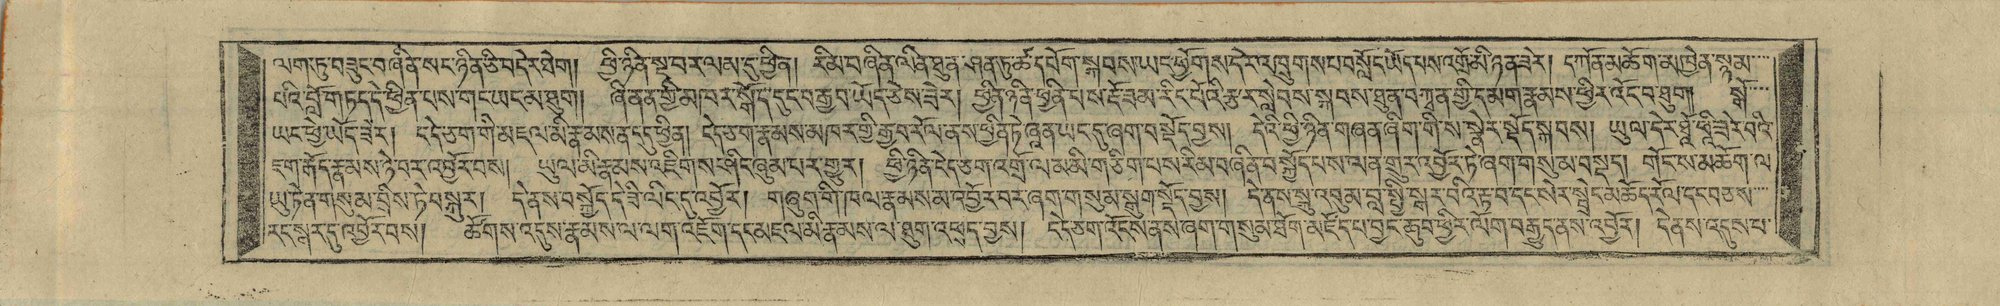ལག་ཏུ་བཟུང་བཞིན་སང་ཉིན་ཅི་བདེར་ཐེག །ཕྱི་ཉིན་སྔ་བར་ལམ་དུ་ཕྱིན། རིམ་བཞིན་ལིན་ཐུན་ཤན་ཏུ་ཚ་དཔོག་སྐབས་ཡང་ཕྱོགས་དེར་འཁྲུགས་པ་བསློང་ཡོད་པས་འགྲོ་མི་ཉན་ཟེར། དཀོན་མཆོག་མཁྱེན་སྙམ་
པའི་བློ་གཏད་དེ་ཕྱིན་པས་གང་ཡང་མ་ཐུག །ཞི་ནན་གྱི་མཁར་སྒོ་ད་དུང་བརྒྱབ་ཡོད་ཅེས་ཟེར། ཕྱིན་ཉིན་ཕྱིན་པས་རྡོ་ཟམ་རིང་པོའི་རྩར་སླེབས་སྐབས་ཐུན་བཀྭན་གྱི་དམག་རྣམས་ཕྱིར་འོང་བ་ཐུག །སྒོ་
ཡང་ཕྱེ་ཡོད་ཟེར། ངེད་ཅག་གི་མཇལ་མི་རྣམས་ནང་དུ་ཕྱིན། ངེད་ཅག་རྣམས་མཁར་གྱི་རྒྱབ་རོལ་ནས་ཕྱིན་ཏེ་ཞཱན་ཡང་དུ་ཞག་བསྡོད་བྱས། དེའི་ཕྱི་ཉིན་གཞན་ཞིག་གི་ས་སྣེར་སྡོད་སྐབས། ཡུལ་དེར་ཐO་ཕཱི་ཟེར་བའི་
ཇག་རྒོད་རྣམས་ཉེ་བར་འབྱོར་བས། ཡུལ་མི་རྣམས་འཇིགས་ཤིང་ཞུམ་པར་གྱུར། ཕྱི་ཉིན་ངེད་ཅག་འགྲོ་ལམ་མི་གཅིག་པས་རིམ་བཞིན་བསྐྱོད་པས་ལན་གྲུར་འབྱོར་ཏེ་ཞག་གསུམ་བསྡད། གོང་ས་མཆོག་ལ་
ཡུ་ཏེན་གསུམ་བྲིས་ཏེ་བསྐུར། དེ་ནས་བསྐྱོད་དེ་ཟི་ལིང་དུ་འབྱོར། གཞུག་གི་ཁལ་རྣམས་མ་འབྱོར་བར་ཞག་གསུམ་སྒུག་སྡོད་བྱས། དེ་ནས་སྐུ་འབུམ་བླ་སྤྱི་སྒར་བའི་རྟ་བ་དང་སེར་སྦྲེང་མཆོད་རོལ་དང་བཅས་
རང་སྒར་དུ་འབྱོར་བས། ཚོགས་འདུས་རྣམས་ལ་ལག་འཇོག་དང་མཇལ་མི་རྣམས་ལ་ཐུག་འཕྲད་བྱས། ངེད་ཅག་འོངས་ནས་ཞག་གསུམ་ཐོག་མཛོད་པ་བྱང་ཆུབ་ཕྱིར་ལོག་བརྒྱུད་ནས་འབྱོར། དེ་ནས་འདུས་པ་